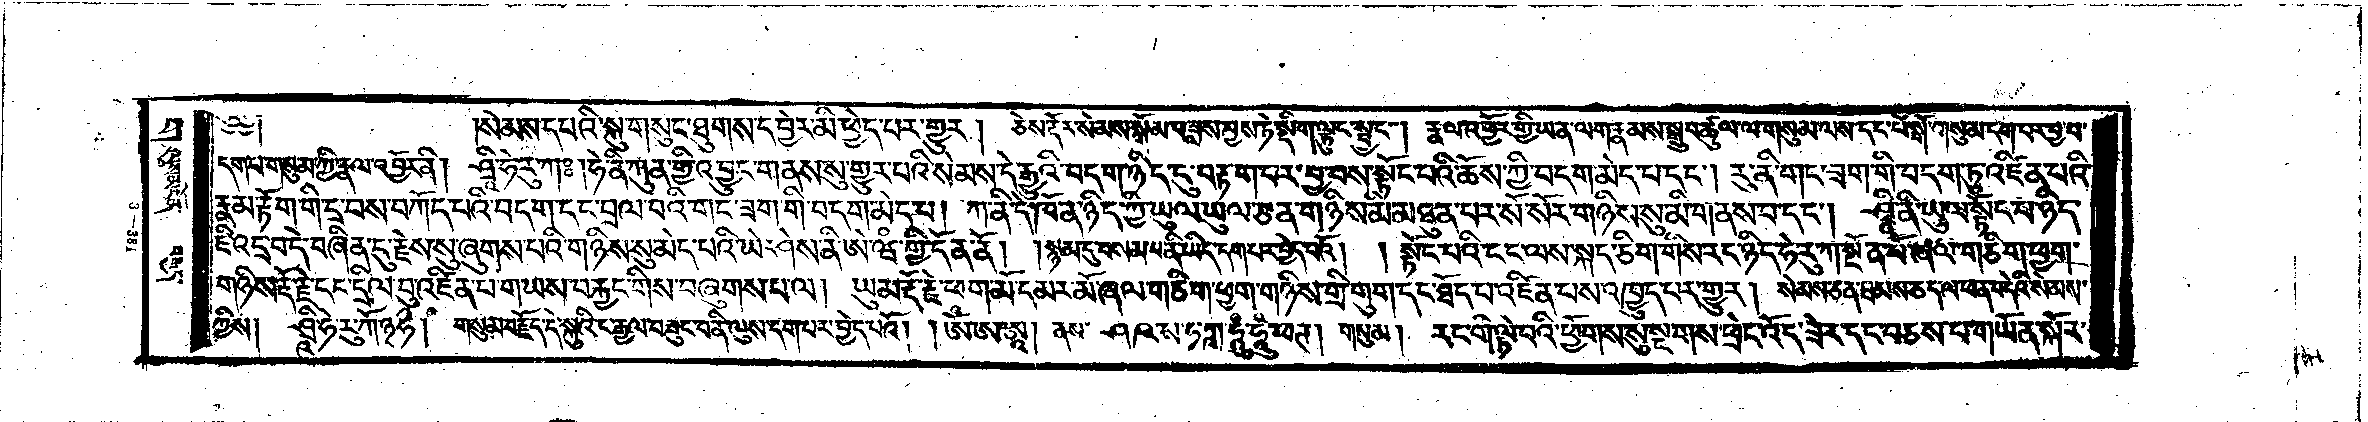༄༅། །སེམས་དཔའི་སྐུ་གསུང་ཐུགས་དབྱེར་མི་ཕྱེད་པར་གྱུར། ཅེས་རྡོར་སེམས་སྒོམ་བཟླས་བྱས་ཏེ་སྡིག་ལྟུང་སྦྱང་། རྣལ་འབྱོར་གྱི་ཡན་ལག་རྣམས་སྒྲུབ་ཚུལ་ལ་གསུམ་ལས་དང་པོ་སྒོ་གསུམ་དག་པར་བྱ་བ་
དག་པ་གསུམ་གྱི་རྣལ་འབྱོར་ནི། ཤྲཱི་ཧེ་རུ་ཀཿ །ཧེ་ནི་ཀུན་གྱི་འབྱུང་གནས་སུ་གྱུར་པའི་སེམས་དེ་རྒྱུའི་བདག་ཉིད་དུ་བརྟག་པར་བྱ་བས་སྟོང་པའི་ཆོས་ཀྱི་བདག་མེད་པ་དང་། རུ་ནི་གང་ཟག་གི་བདག་ཏུ་འཛིན་པའི་
རྣམ་རྟོག་གི་དྲ་བས་བཀོད་པའི་བདག་དང་བྲལ་བའི་གང་ཟག་གི་བདག་མེད་པ། ཀ་ནི་དེ་ཁོ་ན་ཉིད་ཀྱི་ཡུལ་ཡུལ་ཅན་གཉིས་མི་མཐུན་པར་སོ་སོར་གཉིས་སུ་མི་གནས་པ་དང་། ཤྲཱི?་ནི་ཡུལ་སྟོང་པ་ཉིད་
ཇི་འདྲ་བ་དེ་བཞིན་དུ་རྗེས་སུ་ཞུགས་པའི་གཉིས་སུ་མེད་པའི་ཡེ་ཤེས་ནི་ཨེ་ཝཾ་གྱི་དོན་ནོ། །སྙམ་དུ་བསམ་པ་ནི་ཡིད་དག་པར་བྱེད་བའོ།  །སྟོང་པའི་ངང་ལས་སྐད་ཅིག་གིས་རང་ཉིད་ཧེ་རུ་ཀ་སྔོན་པོ་ཞལ་གཅིག་ཕྱག་
གཉིས་རྡོ་རྗེ་དང་དྲིལ་བུ་འཛིན་པ་གཡས་བརྐྱང་གིས་བཞུགས་པ་ལ། ཡུམ་རྡོ་རྗེ་ཕག་མོ་དམར་མོ་ཞལ་གཅིག་ཕྱག་གཉིས་གྲི་གུག་དང་ཐོད་པ་འཛིན་པས་འཁྱུད་པར་གྱུར། སེམས་ཅན་ཐམས་ཅད་ལ་ཕན་པ་དེའི་སེམས་
ཀྱིས། ཤྲཱི་ཧེ་རུ་ཀོ་ཉཧྀ། གསུམ་བརྗོད་དེ་སྐུའི་ང་རྒྱལ་བཟུང་བ་ནི་ལུས་དག་པར་བྱེད་པའོ།  །ཨོཾ་ཨ་ཨཱ། ནས་ཤཥ་ས་ཧ་ཀླ་ཧཱུཾ་ཧཱུཾ་ཕཊ། གསུམ།  རང་གི་ལྟེ་བའི་ཕྱོགས་སུ་སྔགས་ཕྲེང་འོད་ཟེར་དང་བཅས་པ་གཡོན་སྐོར་